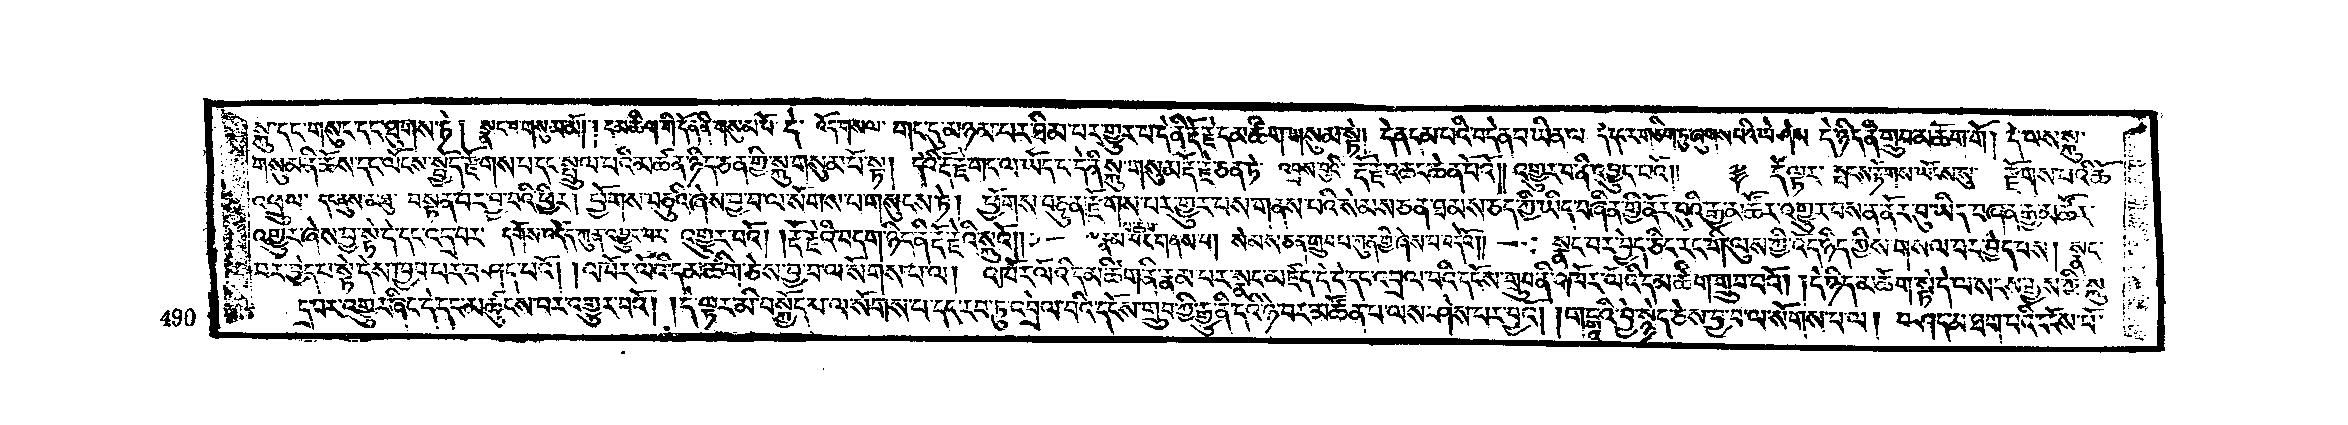སྐུ་དང་གསུང་དང་ཐུགས་ཏེ། སྣང་བ་གསུམ་མོ། །དམ་ཚིག་གི་དོན་ནི་གསུམ་པོ་དེ་འོད་གསལ་གང་དུ་མཉམ་པར་ཐིམ་པར་གྱུར་པ་དེ་ནི་རྡོ་རྗེ་དམ་ཚིག་གསུམ་སྟེ། དོན་དམ་པའི་བདེན་པ་ཡིན་ལ་དེ་དང་རེ་གཅིག་ཏུ་ཞུགས་པའི་ཡེ་ཤེས་དེ་ཉིད་ནི་གྲུབ་མཆོག་གོ །དེ་ལས་སྐུ་
གསུམ་ནི་ཆོས་དང་ལོངས་སྤྱོད་རྫོགས་པ་དང་སྤྲུལ་པའི་མཚན་ཉིད་ཅན་གྱི་སྐུ་གསུམ་པོ་སྟ། དེའི་རྡོ་རྗེ་གང་ལ་ཡོད་པ་དེ་ནི་སྐུ་གསུམ་རྡོ་རྗེ་ཅན་ཏེ་འབྲས་བུའི་རྡོ་རྗེ་འཆང་ཆེན་པོའོ། །འགྱུར་བ་ནི་འབྱུང་བའོ།། ༈ དེ་ལྟར་སྤངས་རྟོགས་ཡོངས་སུ་རྫོགས་པའི་ཆོ་
འཕྲུལ་དང་ནུས་མཐུ་བསྟན་པར་བྱ་བའི་ཕྱིར། ཕྱོགས་བཅུའི་ཞེས་བྱ་བ་ལ་སོགས་པ་གསུངས་ཏེ། ཕྱོགས་བཅུ་ན་རྫོགས་པར་གྱུར་པས་གནས་པའི་སེམས་ཅན་ཐམས་ཅད་ཀྱི་ཡིད་བཞིན་གྱི་ནོར་བུའི་རྒྱ་མཚོར་འགྱུར་བས་ན་ནོར་བུ་ཡིད་བཞིན་རྒྱ་མཚོར་
འགྱུར་ཞེས་བྱ་སྟེ་དེ་དང་འདྲ་བར་དགོས་འདོད་ཀུན་འབྱུང་བར་འགྱུར་བའོ། །རྡོ་རྗེའི་བདག་ཉིད་ནི་རྡོ་རྗེའི་སྐུའོ།། ༈ རྣམ་པར་པ་ཚབ་གནས་པ། སེམས་ཅན་གྲུབ་པ་ཀུན་གྱི་ཞེས་པ་བདེའོ།། སྣང་བར་བྱེད་ཅིང་རང་གི་ལུས་ཀྱི་འོད་ཉིད་ཀྱིས་གསལ་བར་བྱེད་པས། སྣང་
བར་བྱེད་པ་སྟེ་དེས་ཁྱབ་པར་བཤད་པའོ། །འཁོར་ལོའི་དམ་ཚིག་ཅེས་བྱ་བ་ལ་སོགས་པ་ལ། འཁོར་ལོའི་དམ་ཚིག་ནི་རྣམ་པར་སྣང་མཛད་དེ་དེ་དང་འབྲལ་བའི་དངོས་གྲུབ་ནི་འཁོར་ལོའི་དམ་ཚིག་གྲུབ་པའོ། །དེ་ཉིད་མཆོག་སྟེ་དེ་ལ་སངས་རྒྱས་ཀྱི་སྐུ་
དང་འདྲ་བར་འགྱུར་ཞིང་དེ་དང་མཚུངས་པར་འགྱུར་བའོ། །དེ་ལྟར་མི་བསྐྱོད་པ་ལ་སོགས་པ་དང་རབ་ཏུ་འབྲེལ་བའི་དངོས་གྲུབ་ཀྱི་རྒྱུ་ནི་དེའི་ཉེ་བར་མཚོན་པ་ལས་ཤེས་པར་བྱའོ། །གངྒཱའི་བྱེ་སྙེད་ཅེས་བྱ་བ་ལ་སོགས་པ་ལ། བཤད་མ་ཐག་པའི་དངོས་པོ་